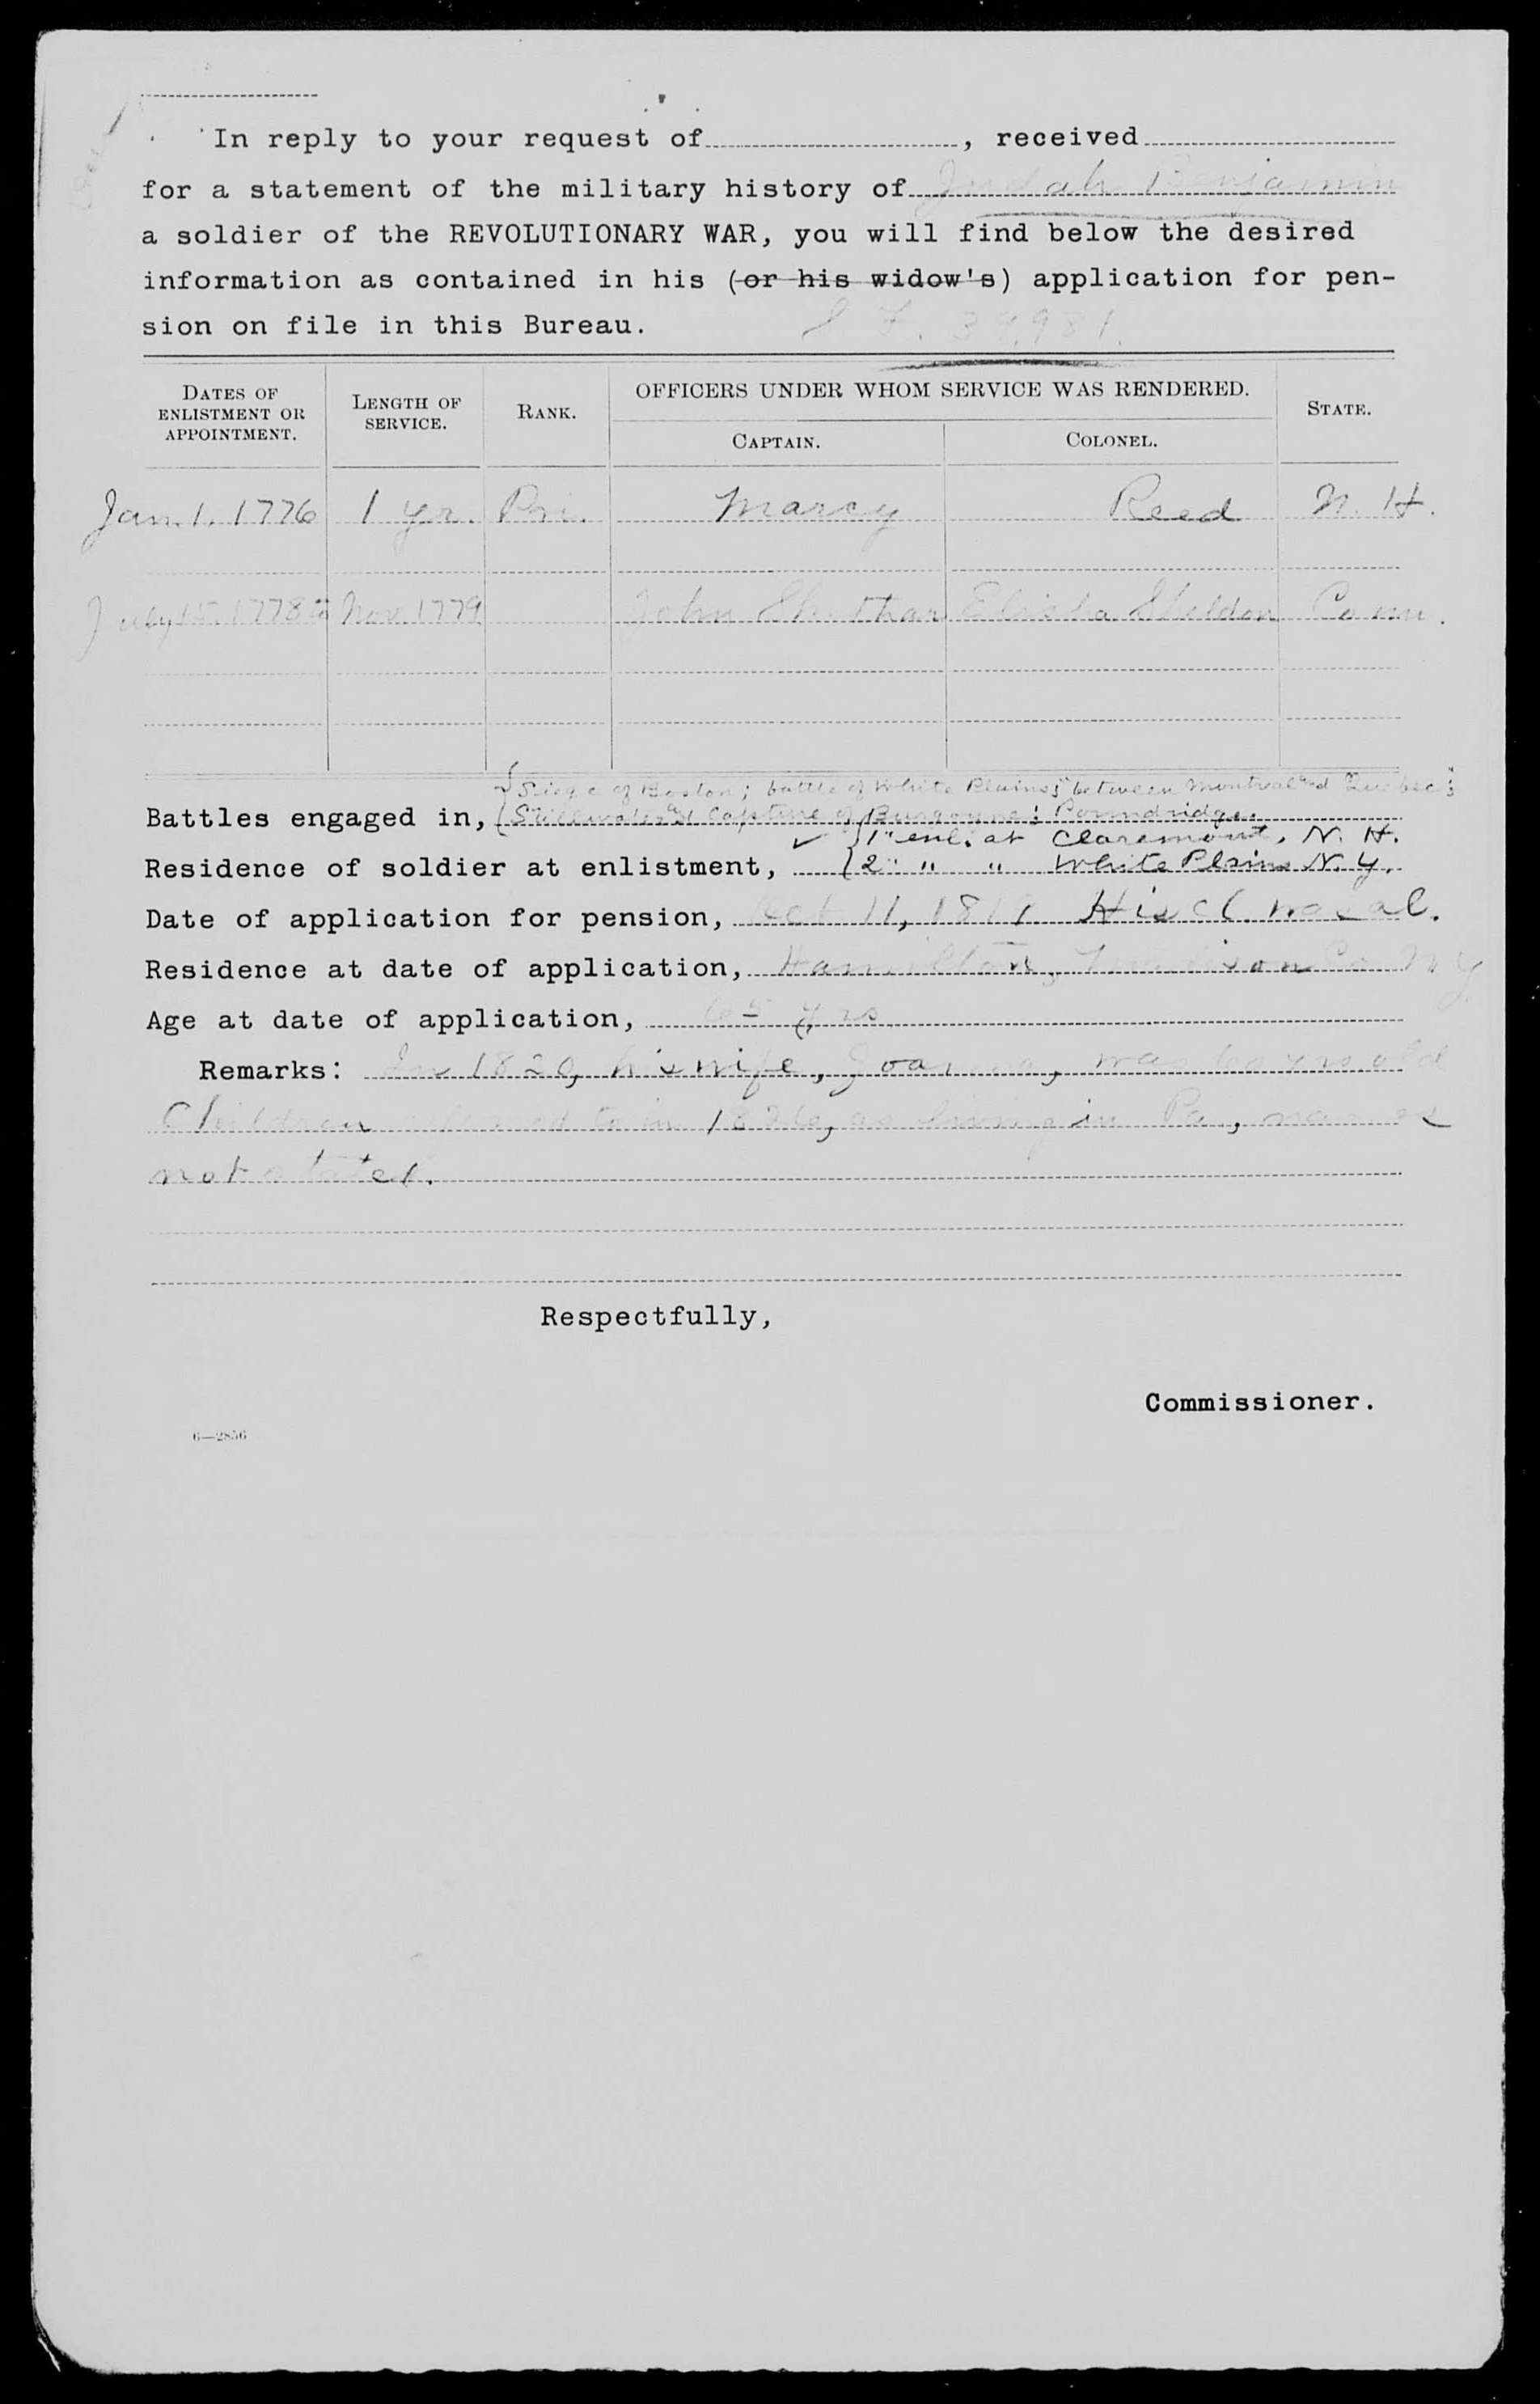In reply to your request of [blank] received [blank] for a statement of the military history of Judah Benjamin a soldier of the REVOLUTIONARY WAR, you will find below the desired information as contained in his application for pension on file in this Bureau.   S.F.39981

Jan 1, 1776 - 1 yr - Pri - Capt Marcy - Col. Reed - NH

July 18, 1778 to Nov 1779 - Capt John Sheather - Col Elisha Sheldon - Conn.

Battles engaged in, Siege of Boston; Battle of White Plains; between Montreal and Quebec; Stillwater and Capture of Burgoyne; Poundridge 
Residence of soldier at enlistment, {1. enl. at Claremont, N.H. 2. enl. at White Plains N.Y.
Date of application for pension, Oct 11, 1819 His cl was al.
Residence at date of application, Hamilton, Madison Co, N.Y.Orange Co. Vt 
Age at date of application, 68 yrs
Remarks : In 1820 his wife Joanna was 60 years old. Children referred to in 1826 as living in Pa, names not stated.

Respectfully, Commissioner.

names: John Nathan, Marcy, Elisha Sheldon, Reed, Judah Benjamin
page: 15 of 34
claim: survivor's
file: S. 39981, Judah Benjamin, Continental (N. H. And N. Y.)